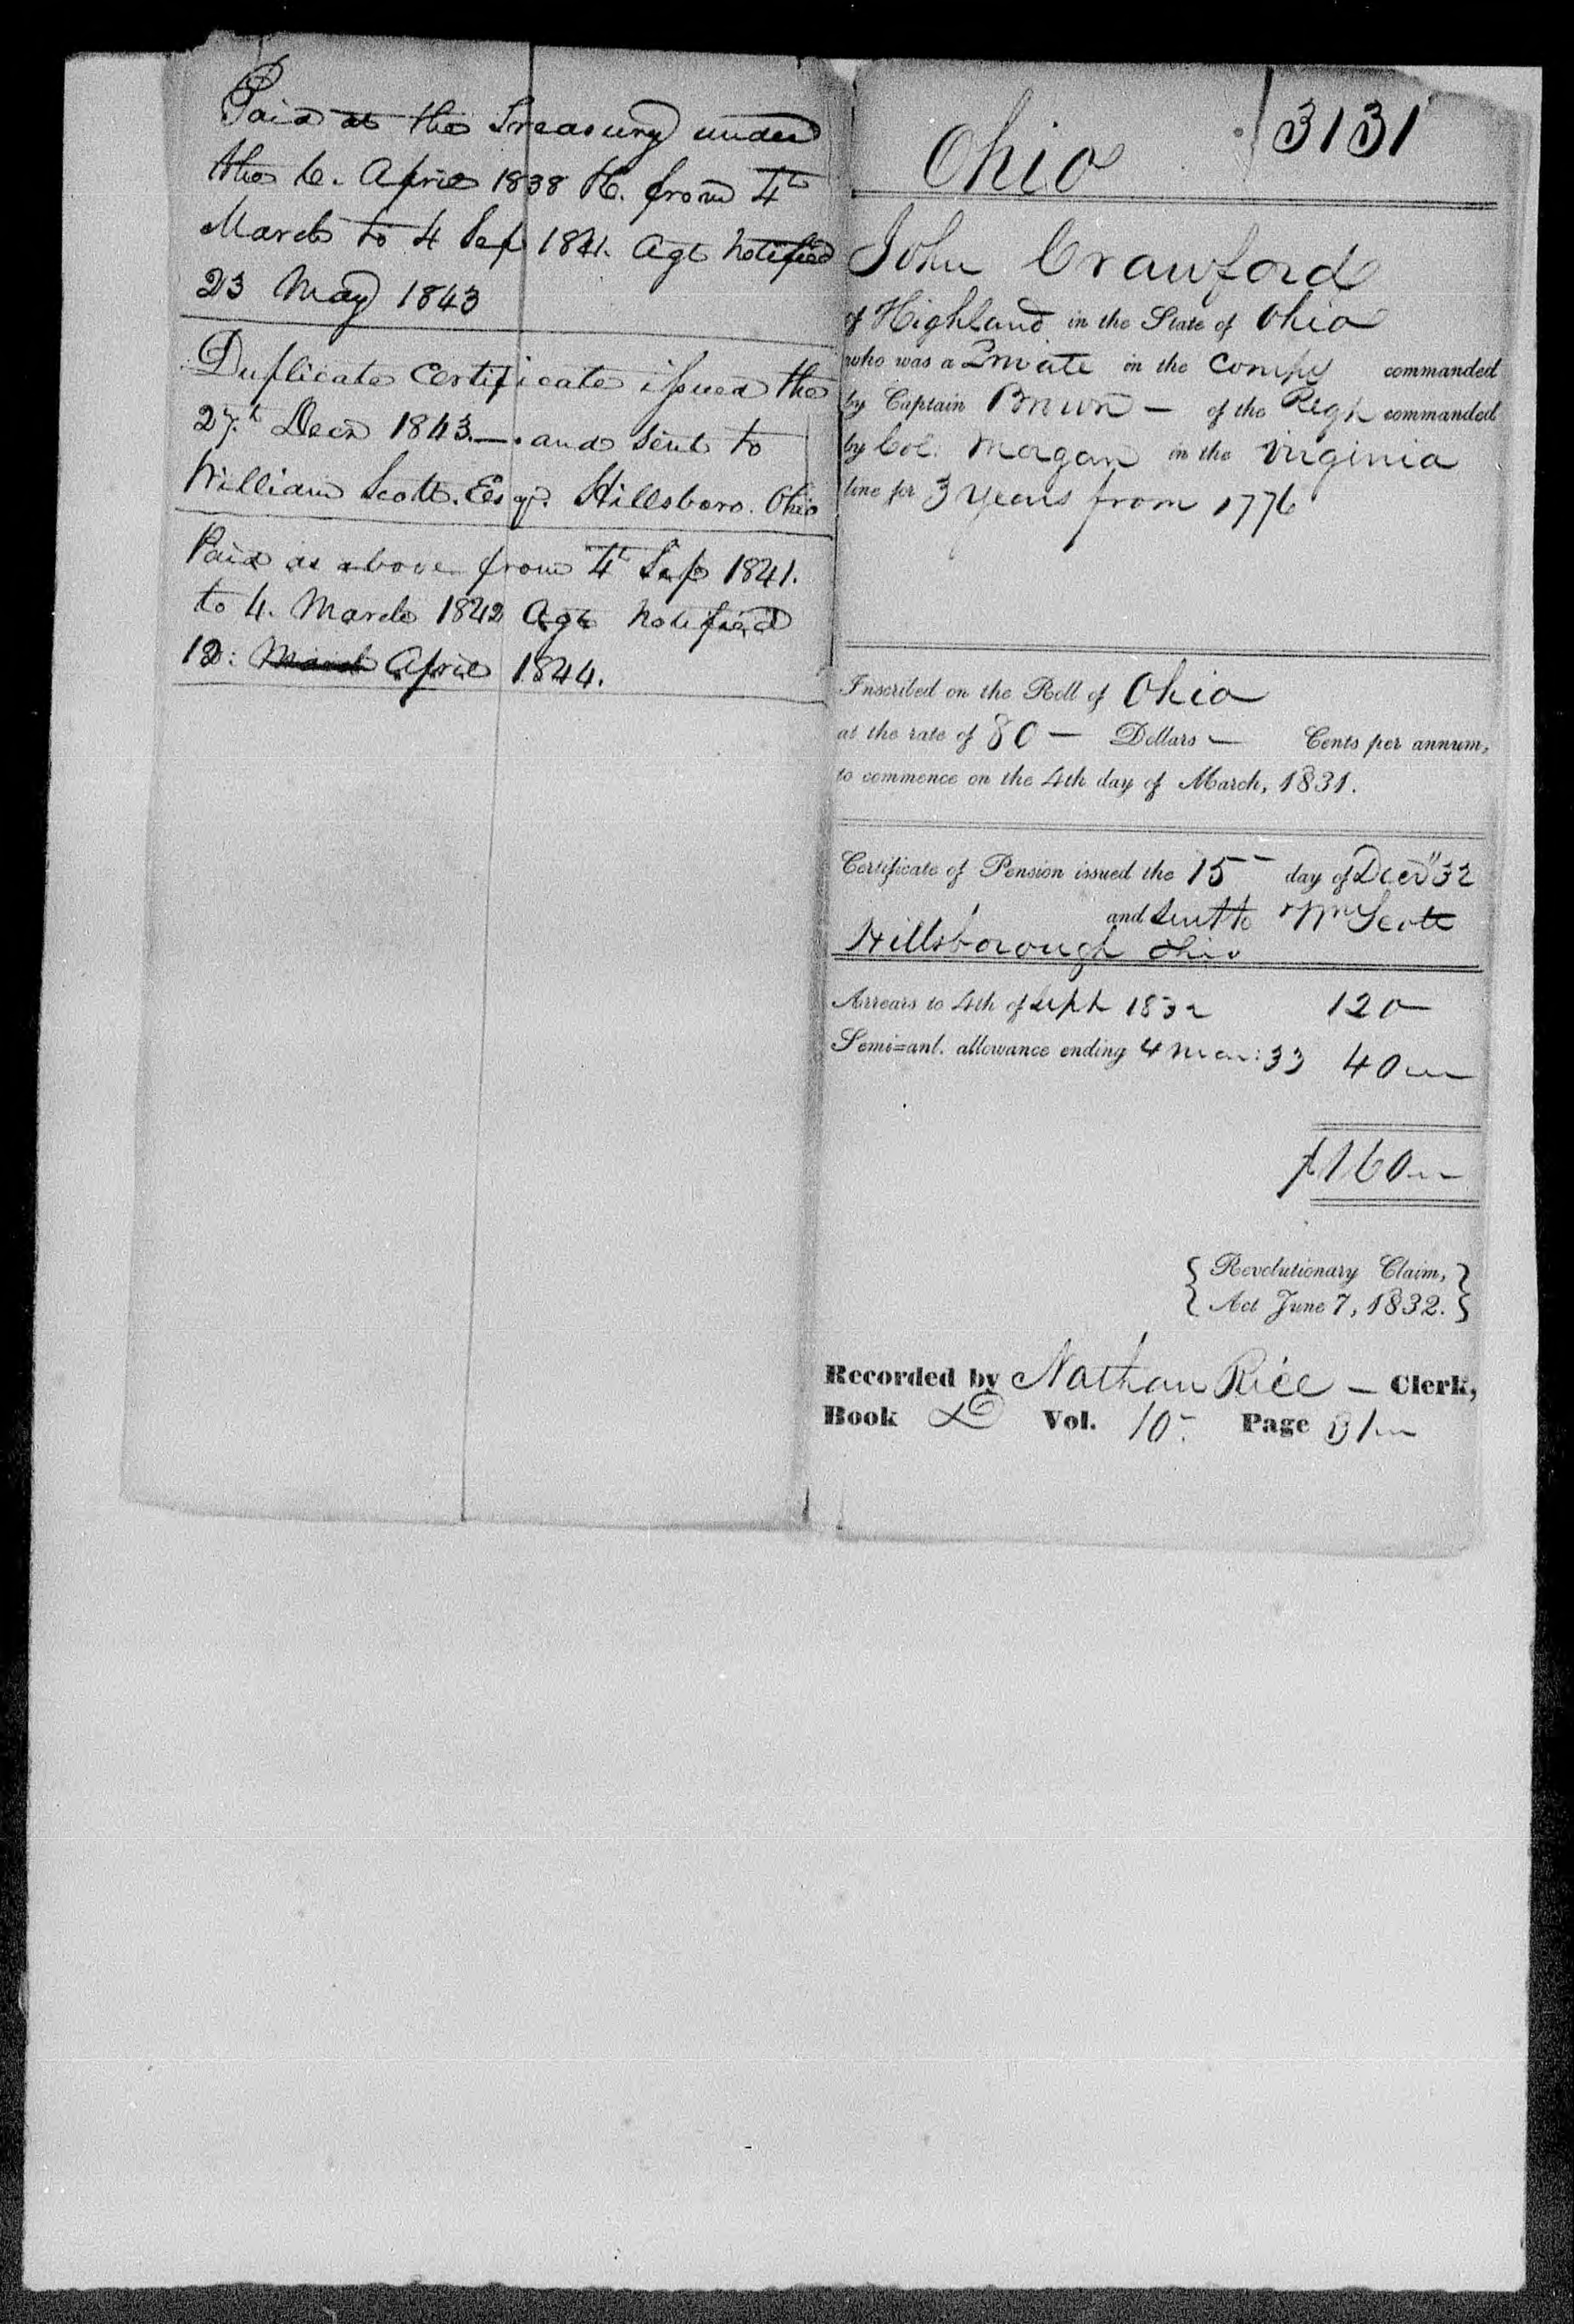Ohio 3131
John Crawford of Highland in the State of Ohio who was a private in the compy commanded by Captain Brown of the Regt commanded by Col. Morgan in the Virginia line for 3 years from 1776

Inscribed on the Roll of Ohio at the rate of 80 Dollars - Cents per annum, to commence on the 4th day of March, 1831.

Certificate of pension issued the 15 day of Dec '32 and sent to Wm Scott Hillsborough Ohio

Arrears to 4th of Sept 1832 $120
Semi=anl. allowance ending 4 March 33 40
$160
{Revolutionary claim, Act June 7, 1832.}

Recorded by Nathan Rice - Clerk, Book D Vol. 10 Page 81

Paid at the Treasury under the 6 April 1838 &c. from 4th March to 4 Sept 1841. Agt. notified 23 May 1843

Duplicate Certificate issued the 27th Dec 1843 and sent to William Scott Esq. Hillsboro Ohio

Paid as above from 4 Sep 1841 to 4 March 1842 Agt notified 12 April 1844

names: Brown, William Scott, Wm Scott, John Crawford, Nathan Rice, Morgan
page: 2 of 80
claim: widow's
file: W 2070, John Crawford, Penn.